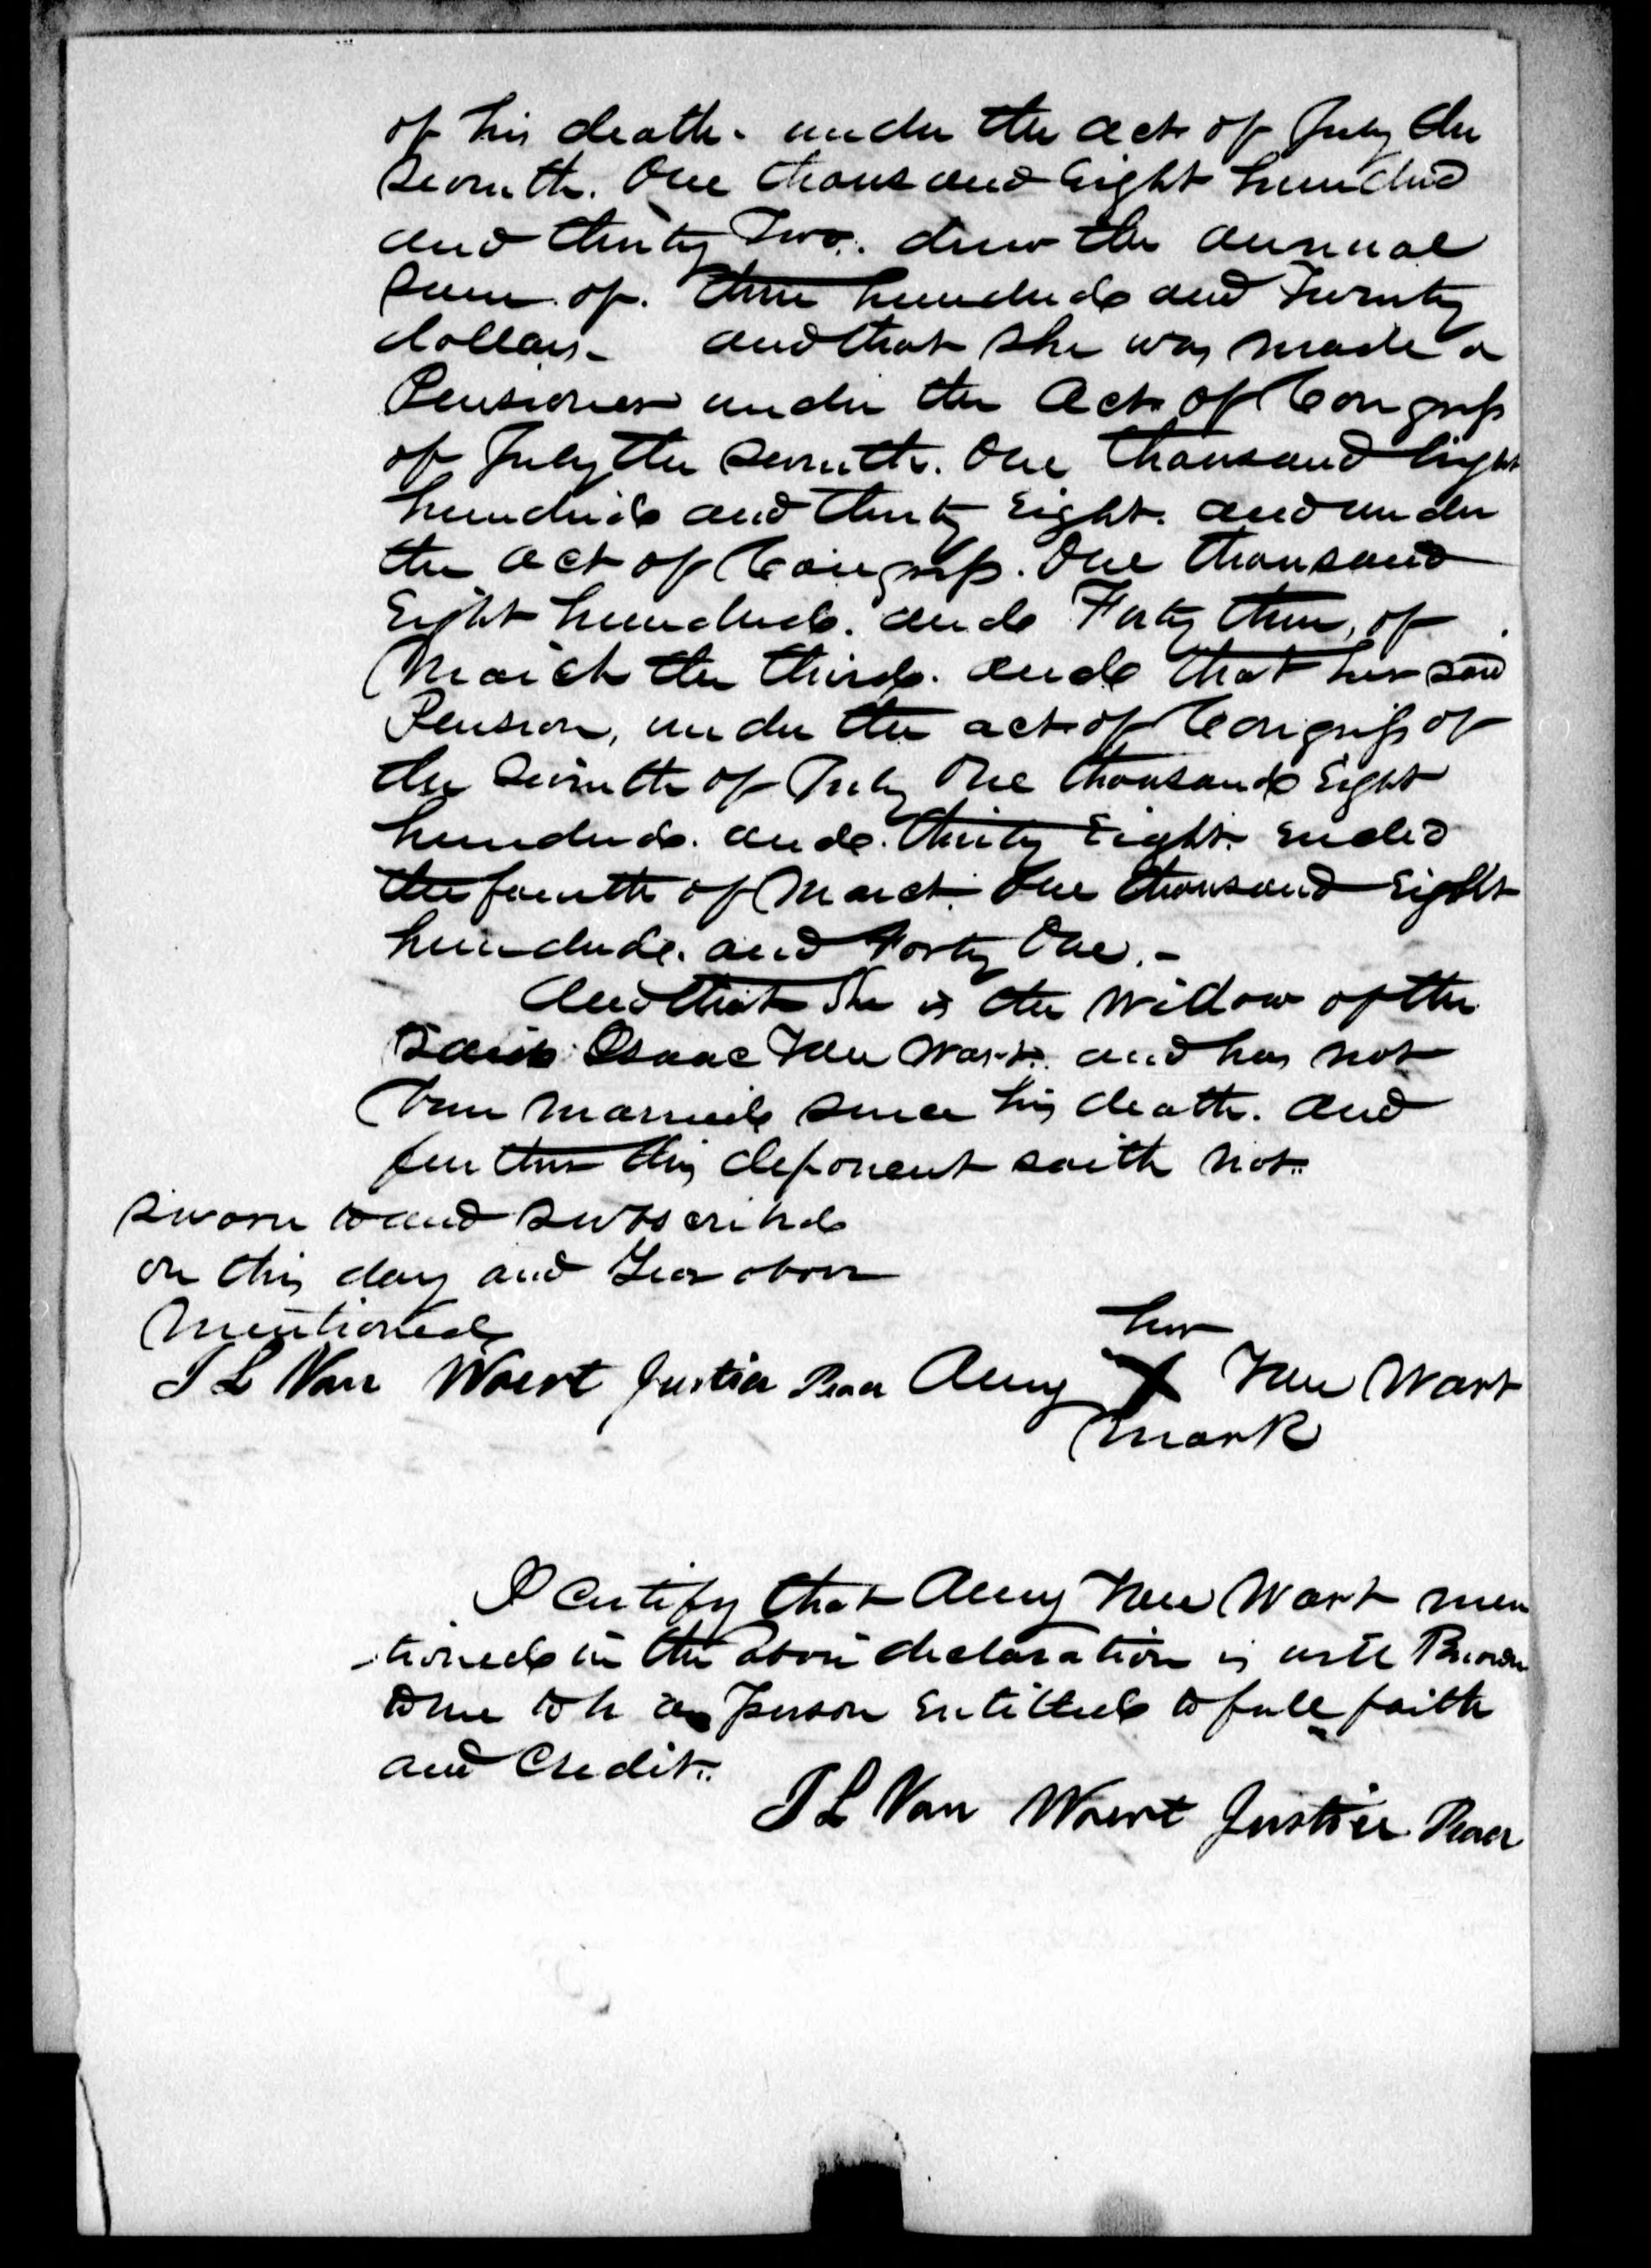of his death. under the act of July the Seventh, One thousand Eight hundred and thirty Two drew the annual sum of three hundred and Twenty dollars - and that she was made a Pensioner under the act of Congress of July the seventh, One thousand Eight hundred and thirty eight and under the act of Congress. One thousand Eight hundred and Forty three, of March the third and that his said Pension, under the act of Congress of the seventh of July one thousand eight hundred and thirty eight ended the fourth of March One thousand Eight hundred and Forty One –
And that she is the widow of the said Isaac Van Wart and has not been married since his death. And further this deponent saith not.
[signed] Amy Van Wart X her mark
Sworn to and subscribed on this day and year above mentioned
[signed] J L Van Woert Justice Peace
I certify that Amy Van Wart mentioned in the above declaration is well known to me to be a person entitled to full faith and credit. 
[signed] J L Van Woert  Justice Peace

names: J L Van Woert, J L Van Woert, Amy Van Wart, Amy Van Wart, Isaac Van Wart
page: 90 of 102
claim: widow's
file: W. 18239, Isaac Van Wart, New York